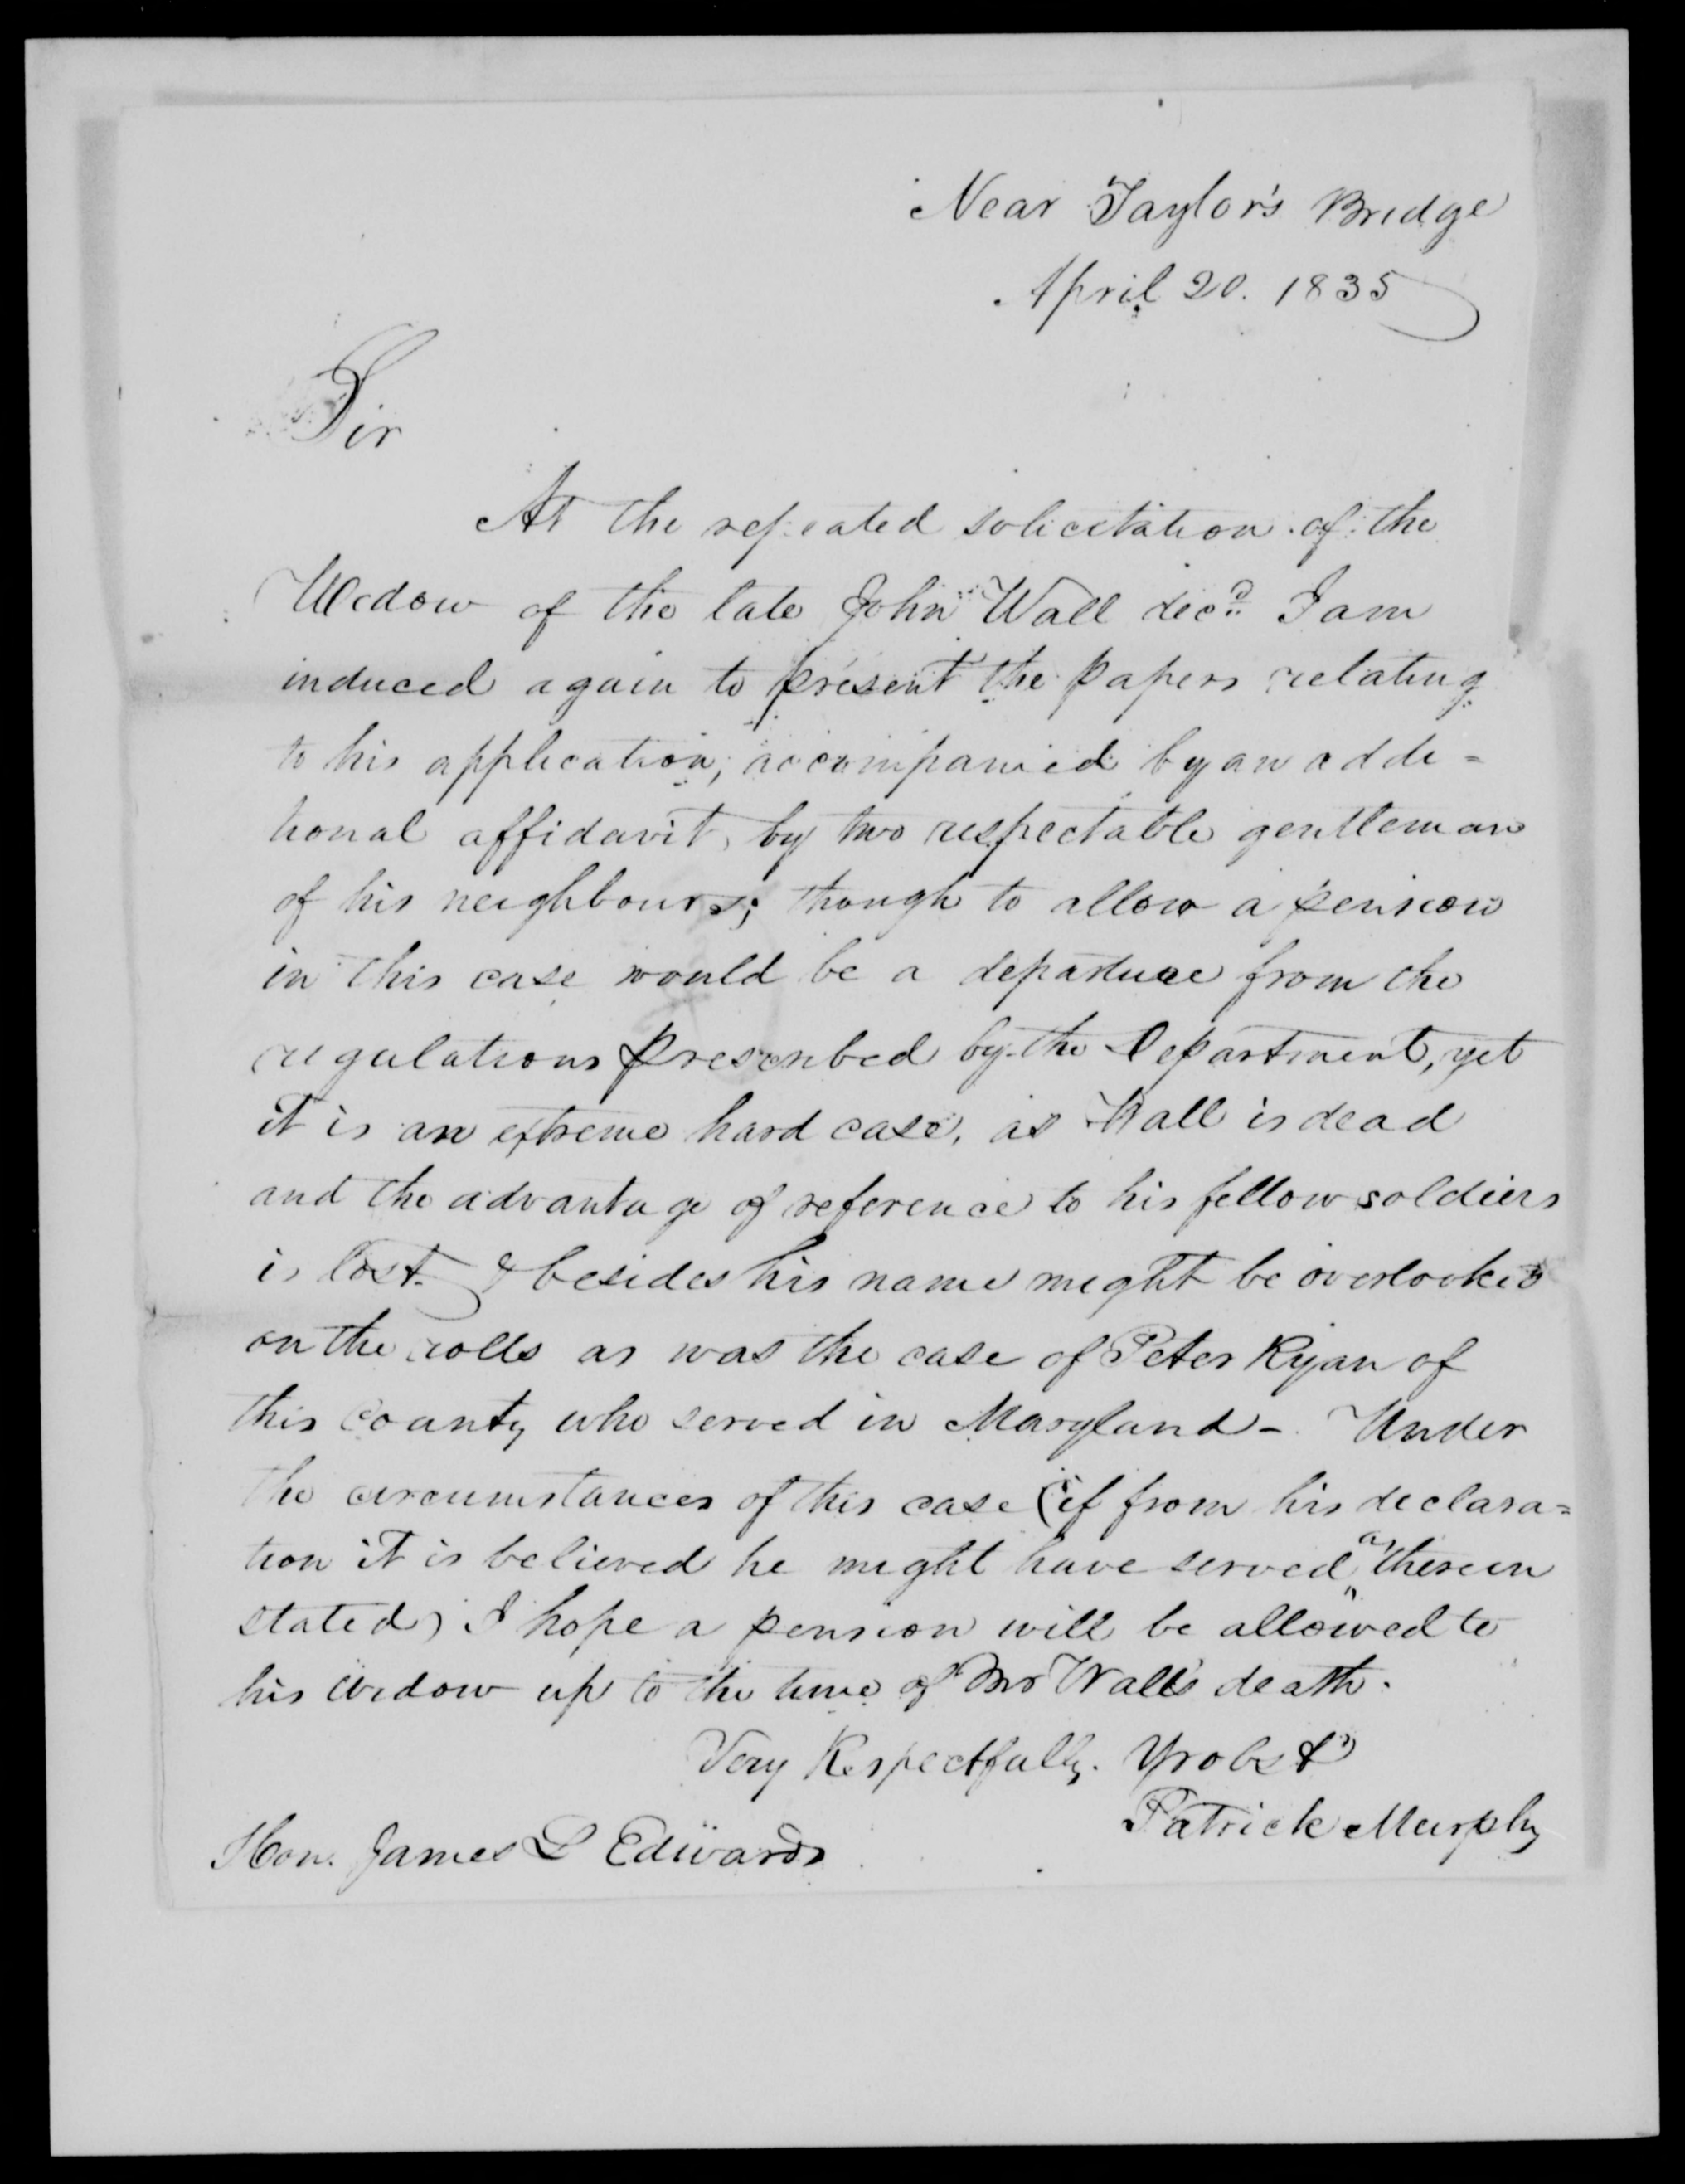Near Taylor's Bridge
April 20. 1835
Sir:
At the repeated solicitation of the Widow of the late John Wall decd I am induced again to present the papers relating to his application, accompanied by an additonal affidavit, by two respectable gentleman of his neighbours; though to allow a pension in this case would be a departure from the regulations prescribed by the Department, yet it is an extreme hard case, as Wall is dead and the advantage of reference to his fellow soldiers is lost. & besides his name might be overlooked on the rolls as was the case of Peter Ryan of this County who served in Maryland. Under the circumstances of this case (if from his declaration it is believed he might have served as therein stated), I hope a pension will be allowed to his widow up to the time of Mr Wall's death.
Very Respectfully Yr ob st
Hon. James L Edwards
Patrick Murphy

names: Patrick Murphy, Wall, Wall, James L Edwards, John Wall, Peter Ryan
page: 9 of 11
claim: rejected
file: R. 11089, John Wall, Va.